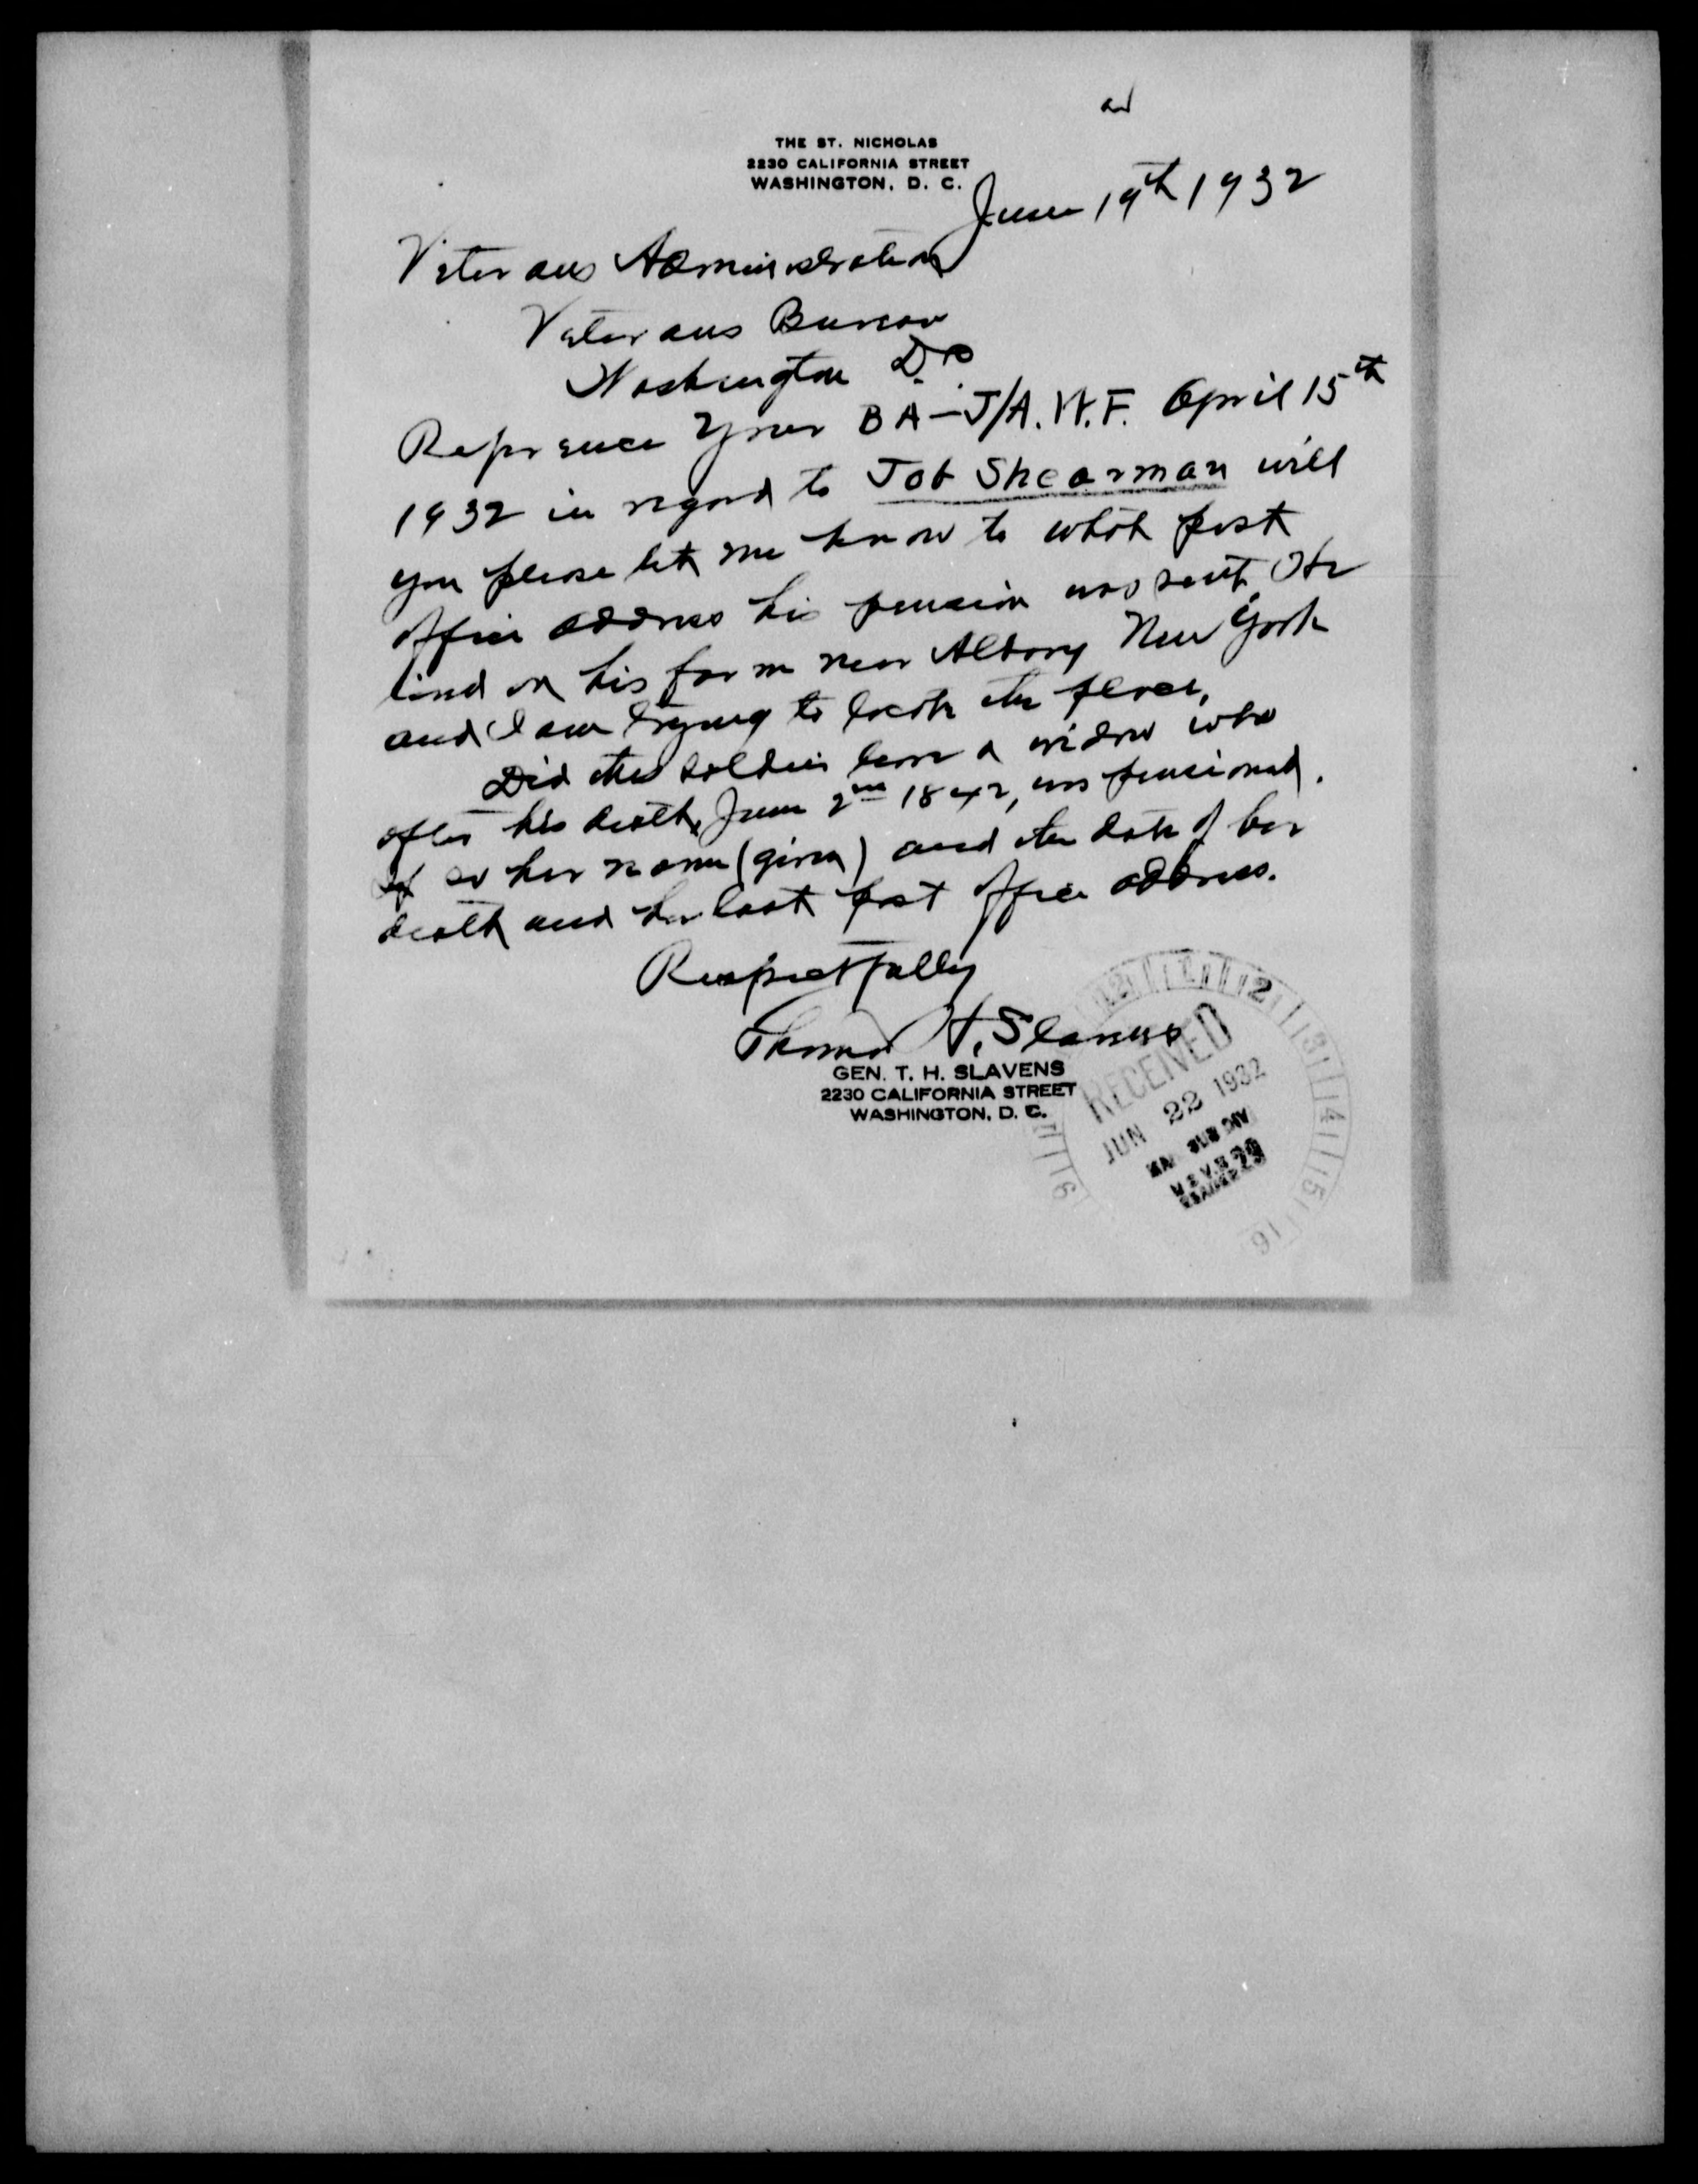[doc is printed, written & stamped]

THE ST. NICHOLAS
2230 CALIFORNIA STREET
WASHINGTON, D.C.

June 19th 1932
Veterans Administration
Veterans Bureau
Washington D.C.
Reference yours BA-J/A.W.F. April 15th
1932 in regard to Job Shearman []name underlined] will
you please let me know to what post
office address his pension was sent [illegible]
[illegible] on his form near Albany New York
and I am trying to locate [2 words illegible].
Did this soldier leave a widow who
after his death, June 2nd 1842, was pensioned.
If so her name (given) and the date of her
death and her last post office address.
Respectfully
Thomas H. Slavens
GEN. T.H. SLAVENS
2230 CALIFORNIA STREET
WASHINGTON, D.C.

[mail room stamp indicating letter was received Jun 22 1932 in lower right corner]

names: T H Slavens; Thom H Slavens; Job Shearman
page: 8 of 10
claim: survivor's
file: S. 28,874, for Job Shearmon, New York